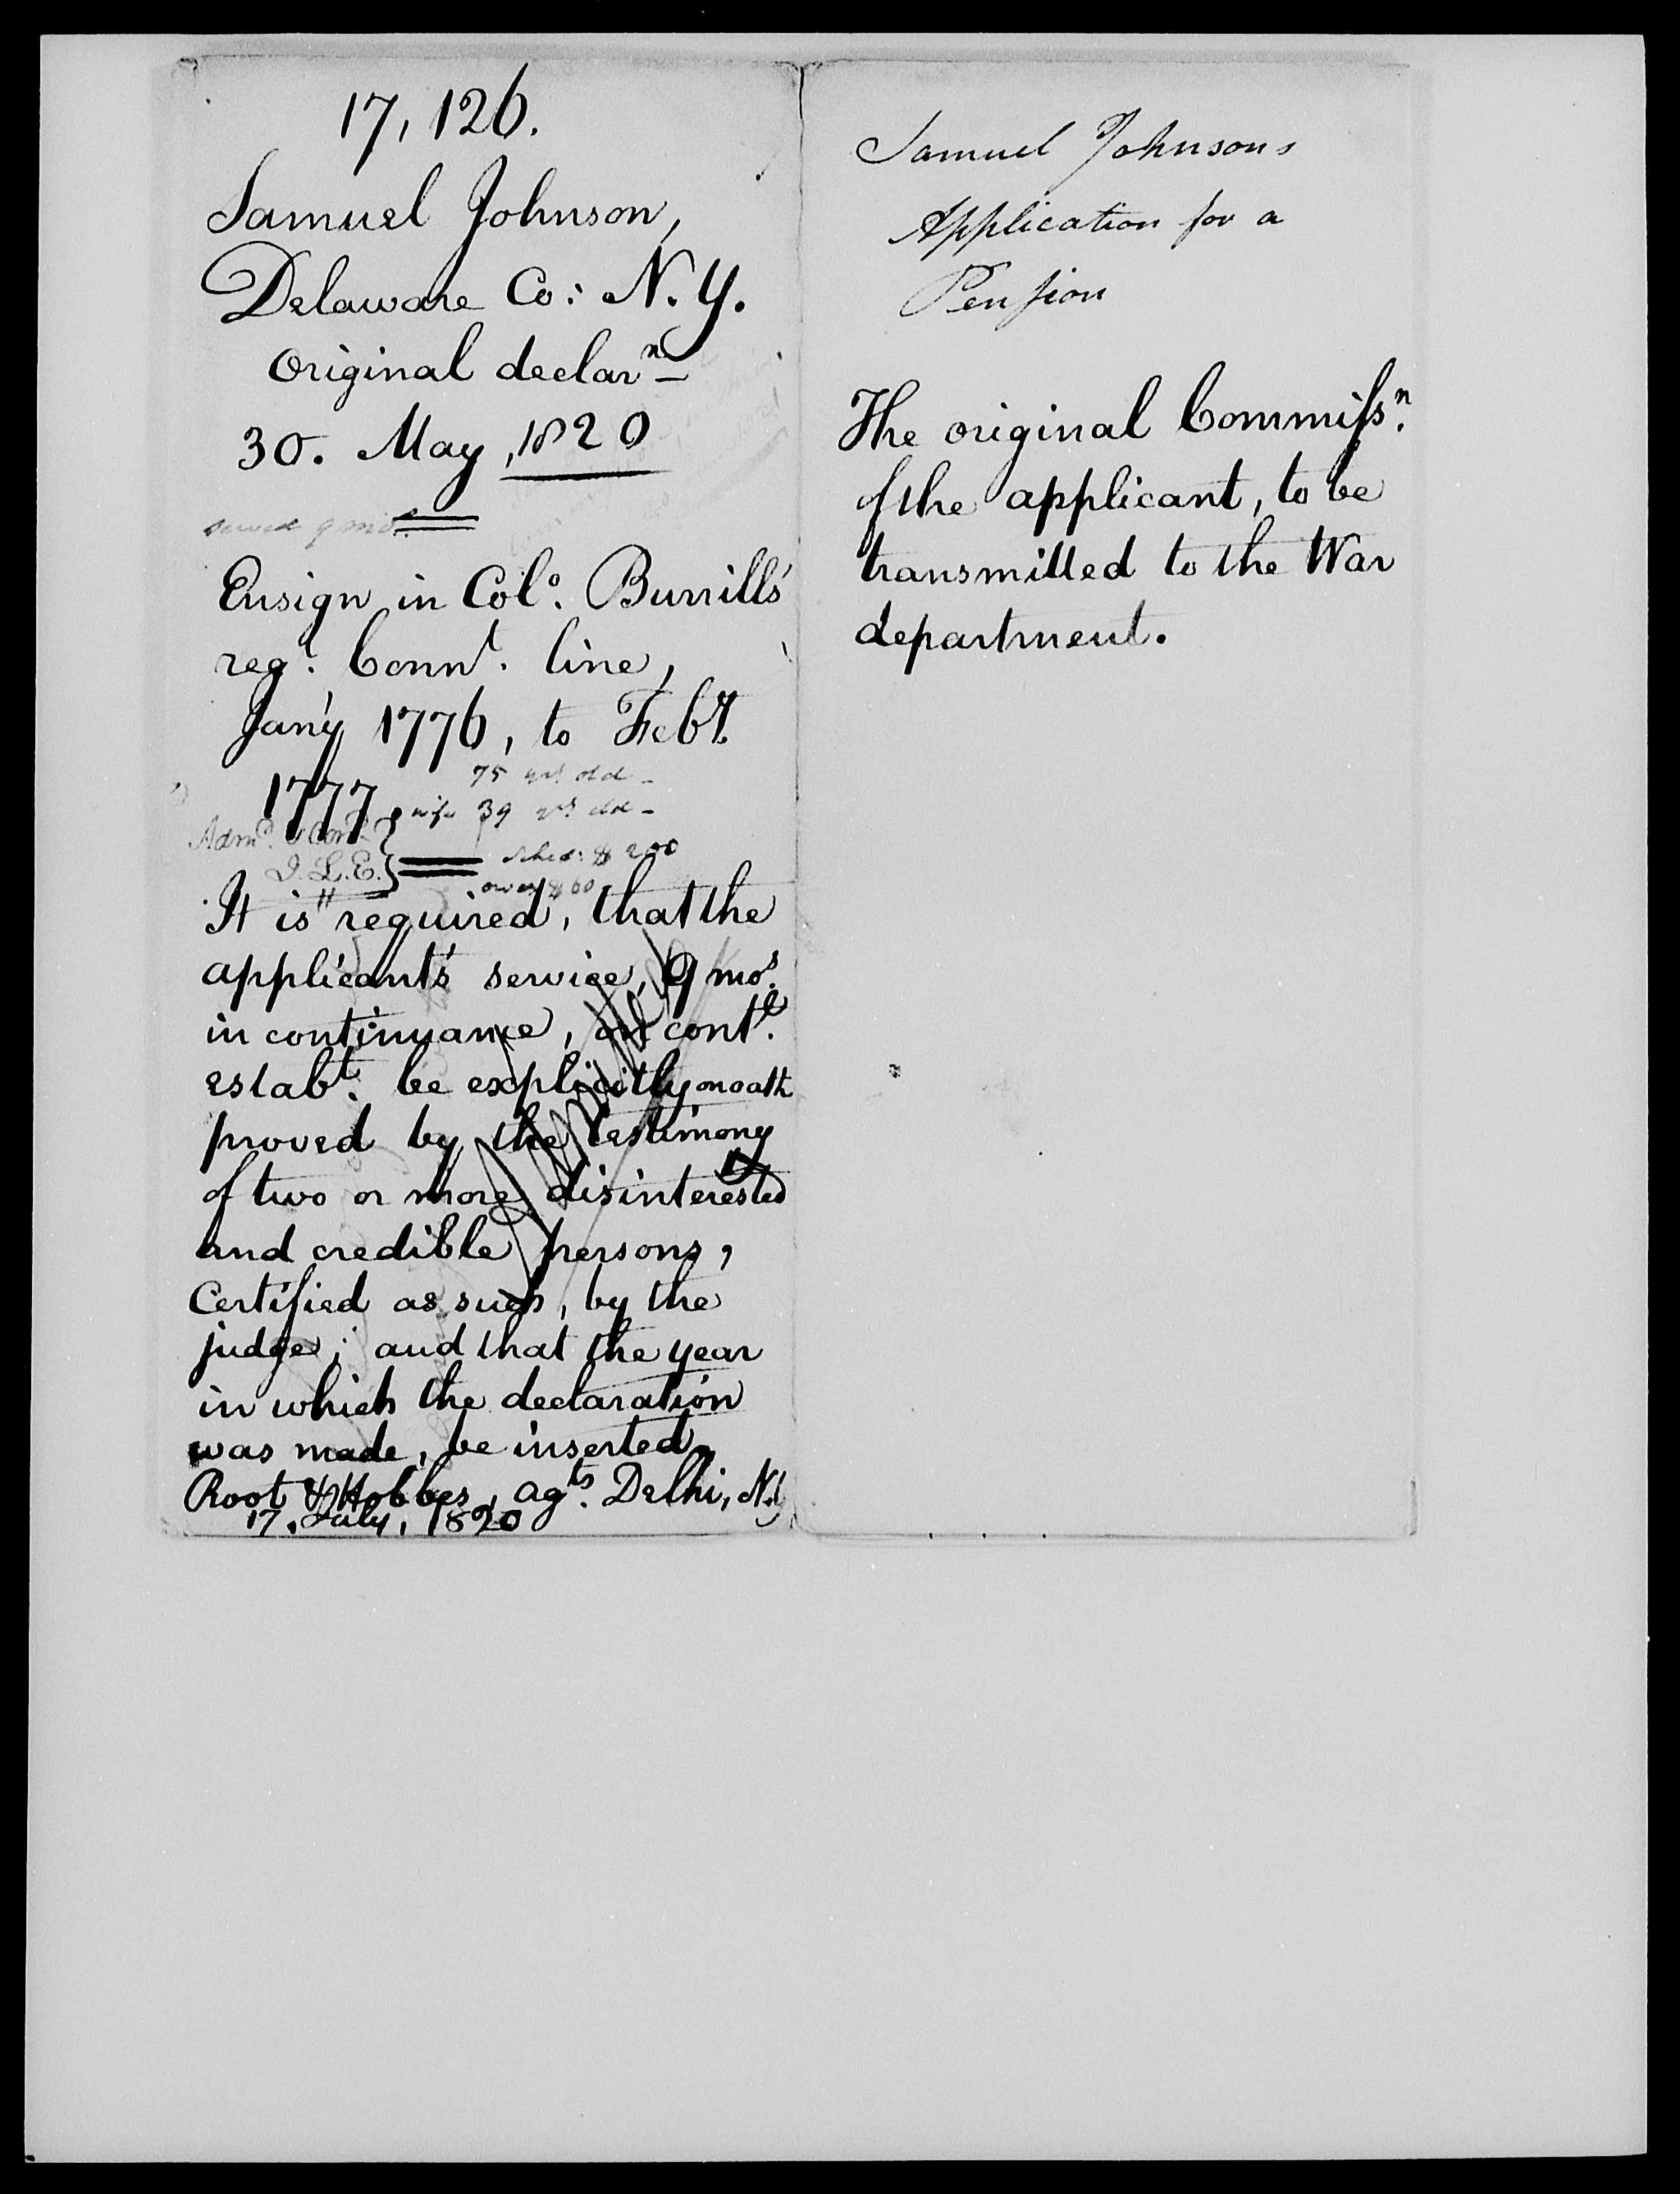17,126
Samuel Johnson, 
Delaware Co. N.Y. 
Original declaration 30. May, 1820 served [unreadable] 
Ensign in Col. Burrill Regt Connt line Jany 1 1776 to Febr 1777 to Feby 75 yr old 
Admd [admitted]  & cont’d [continued] J.L.E. wife 39 sched $200  owes $60   
It is required, that the applicant’s service 9 mos in continuance & cont’l [continental] estab [establishment] be explicitly on oath proved by the testimony of two or more interested and credible persons, Certified as such, by the judge and that the year in which the declaration was made, be inserted
Admitted
Root & Hobbes agts Delhi NY
17 July 1820
 Samuel Johnson Application for a Pension 
The original Commission of the applicant, to be transmitted to the War department.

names: Samuel Johnson; [BLANK] Hobbes; [BLANK] Root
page: 34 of 43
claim: rejected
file: R. 5655, for Samuel Johnson, Connecticut